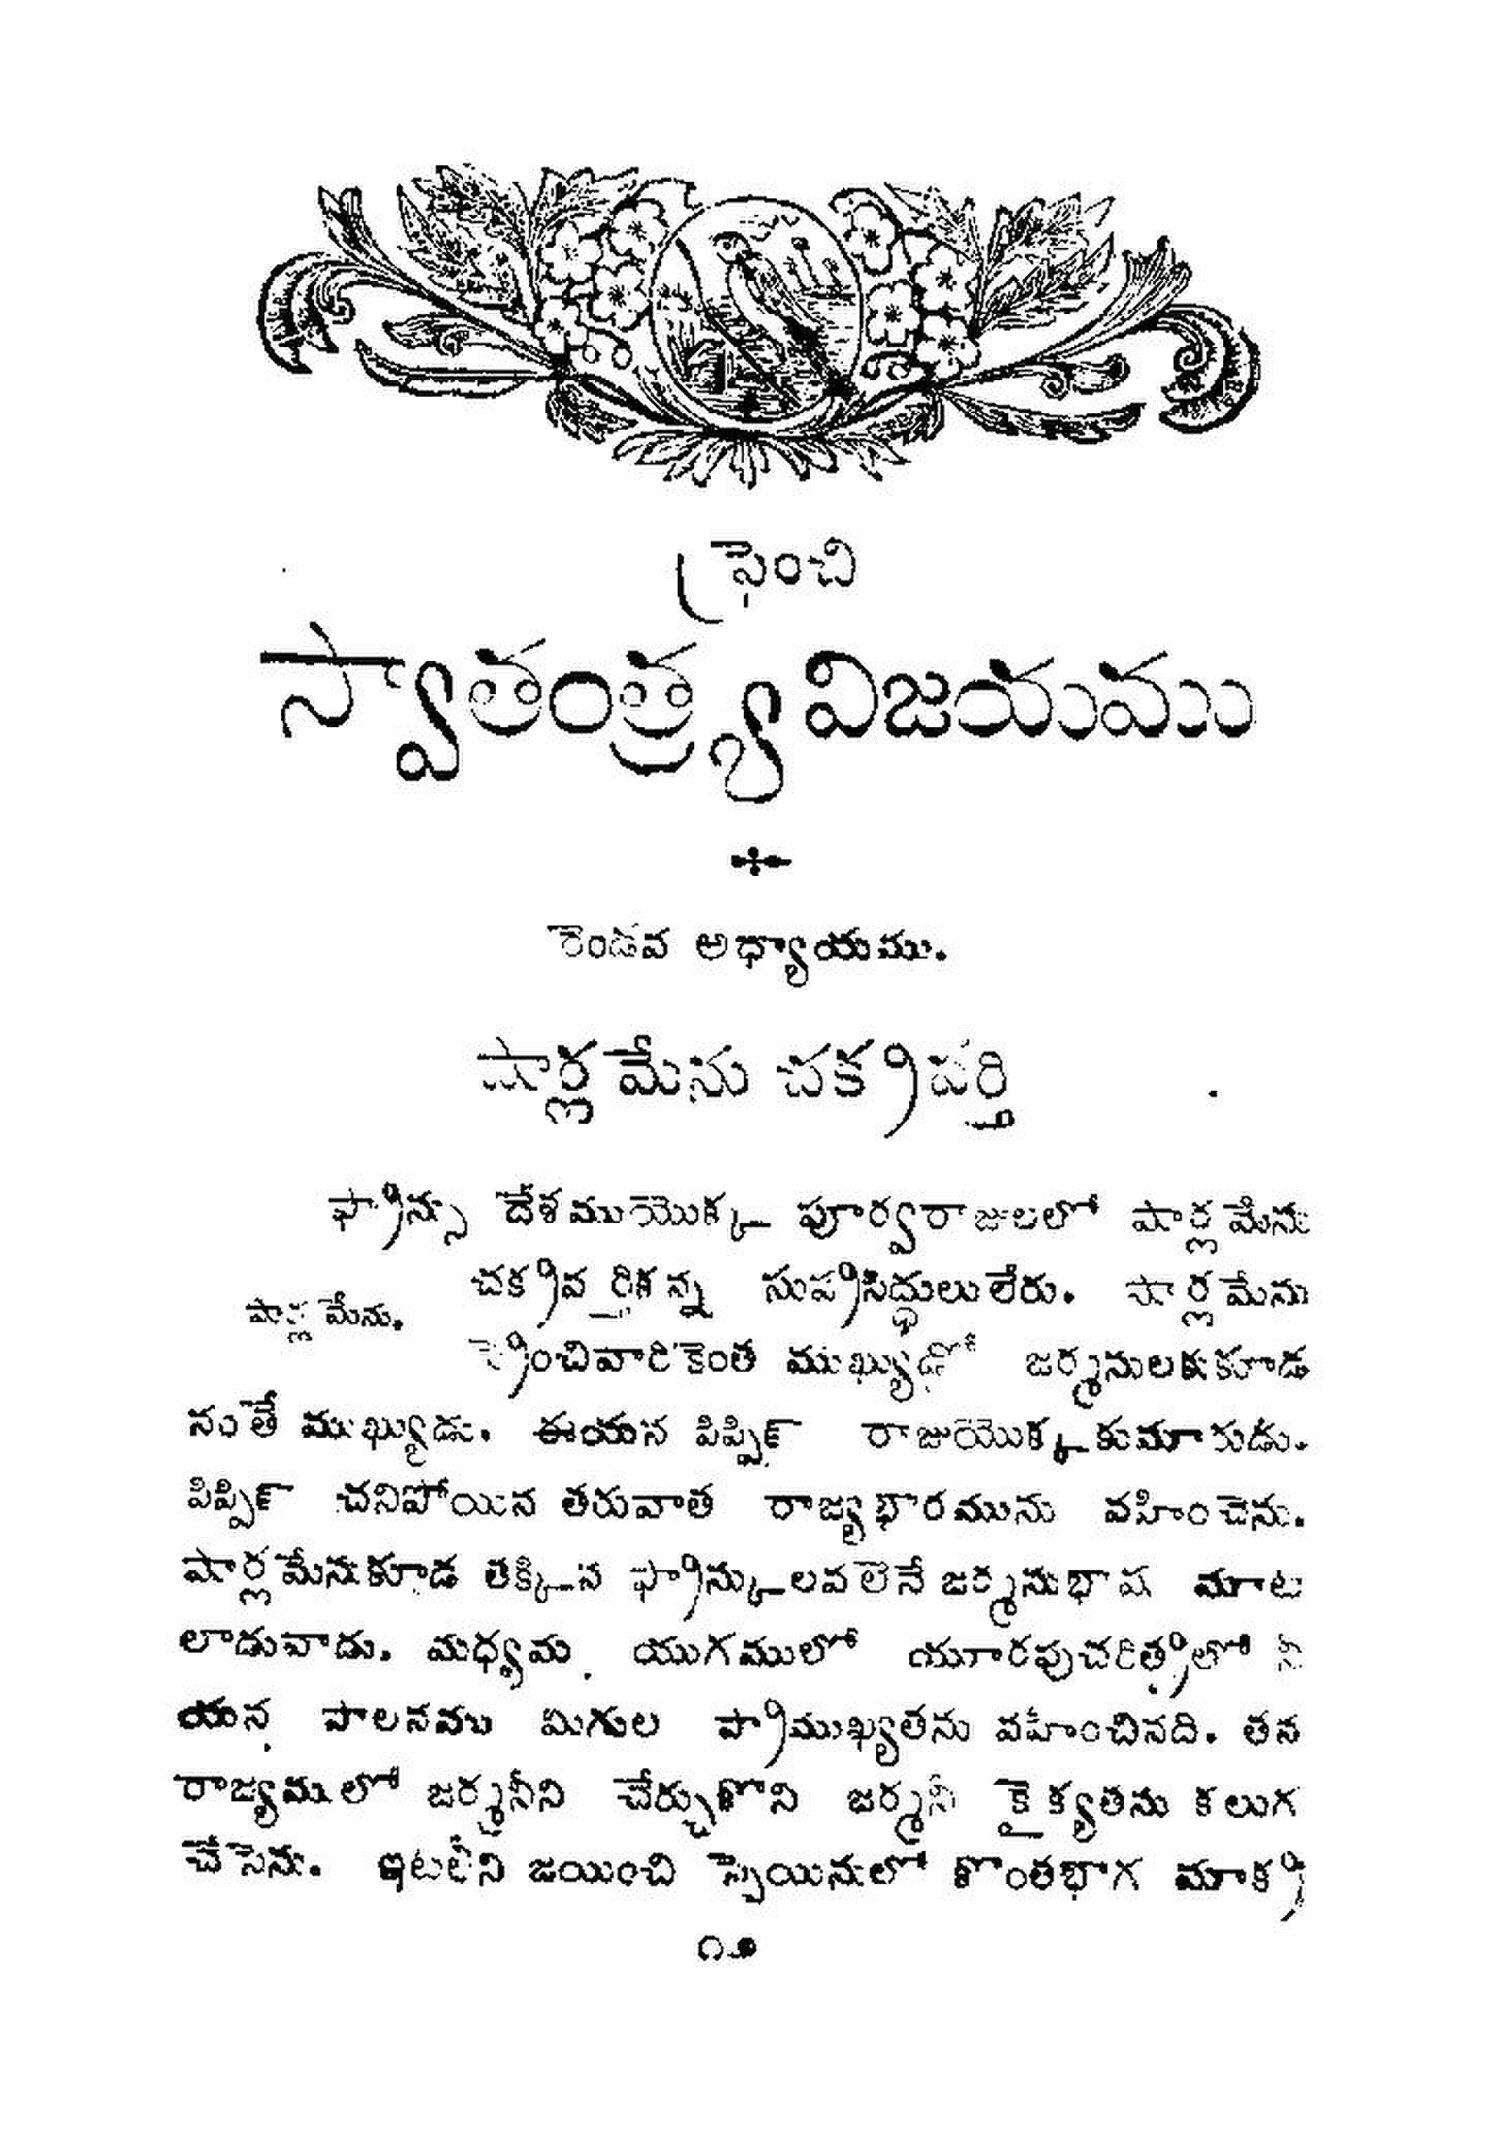ఫ్రాన్సు దేశము యొక్క పూర్వరాజులలో షార్ల మేను
చక్రవర్తిక న్న సుప్రసిద్ధులు లేరు. షార్ల మేను
ప్రెంచివారి కెంత ముఖ్యుడో జర్మనులకు కూడ
నంతే ముఖ్యుడు. ఈయన పిప్పిన్ రాజుయొక్క కుమారుడు.
పిప్పిన్ చనిపోయిన తరువాత రాజ్యభారమును వహించెను.
షార్ల మేసు కూడ తక్కిన ఫ్రాస్కులవ లెనే జర్మను భాష మాట
లాడువాడు, మధ్యమ యుగములో యూరఫుచరిత్రలో
నీయన పాలనము మిగుల ప్రాముఖ్యతను వహించినది. తన
రాజ్యములో జర్మనీని చేర్చుకొని జర్మనీ కై క్యతను కలుగ
చేసెను. ఇటలీని జయించి స్పెయినులో కొంతభాగ మాక్ర